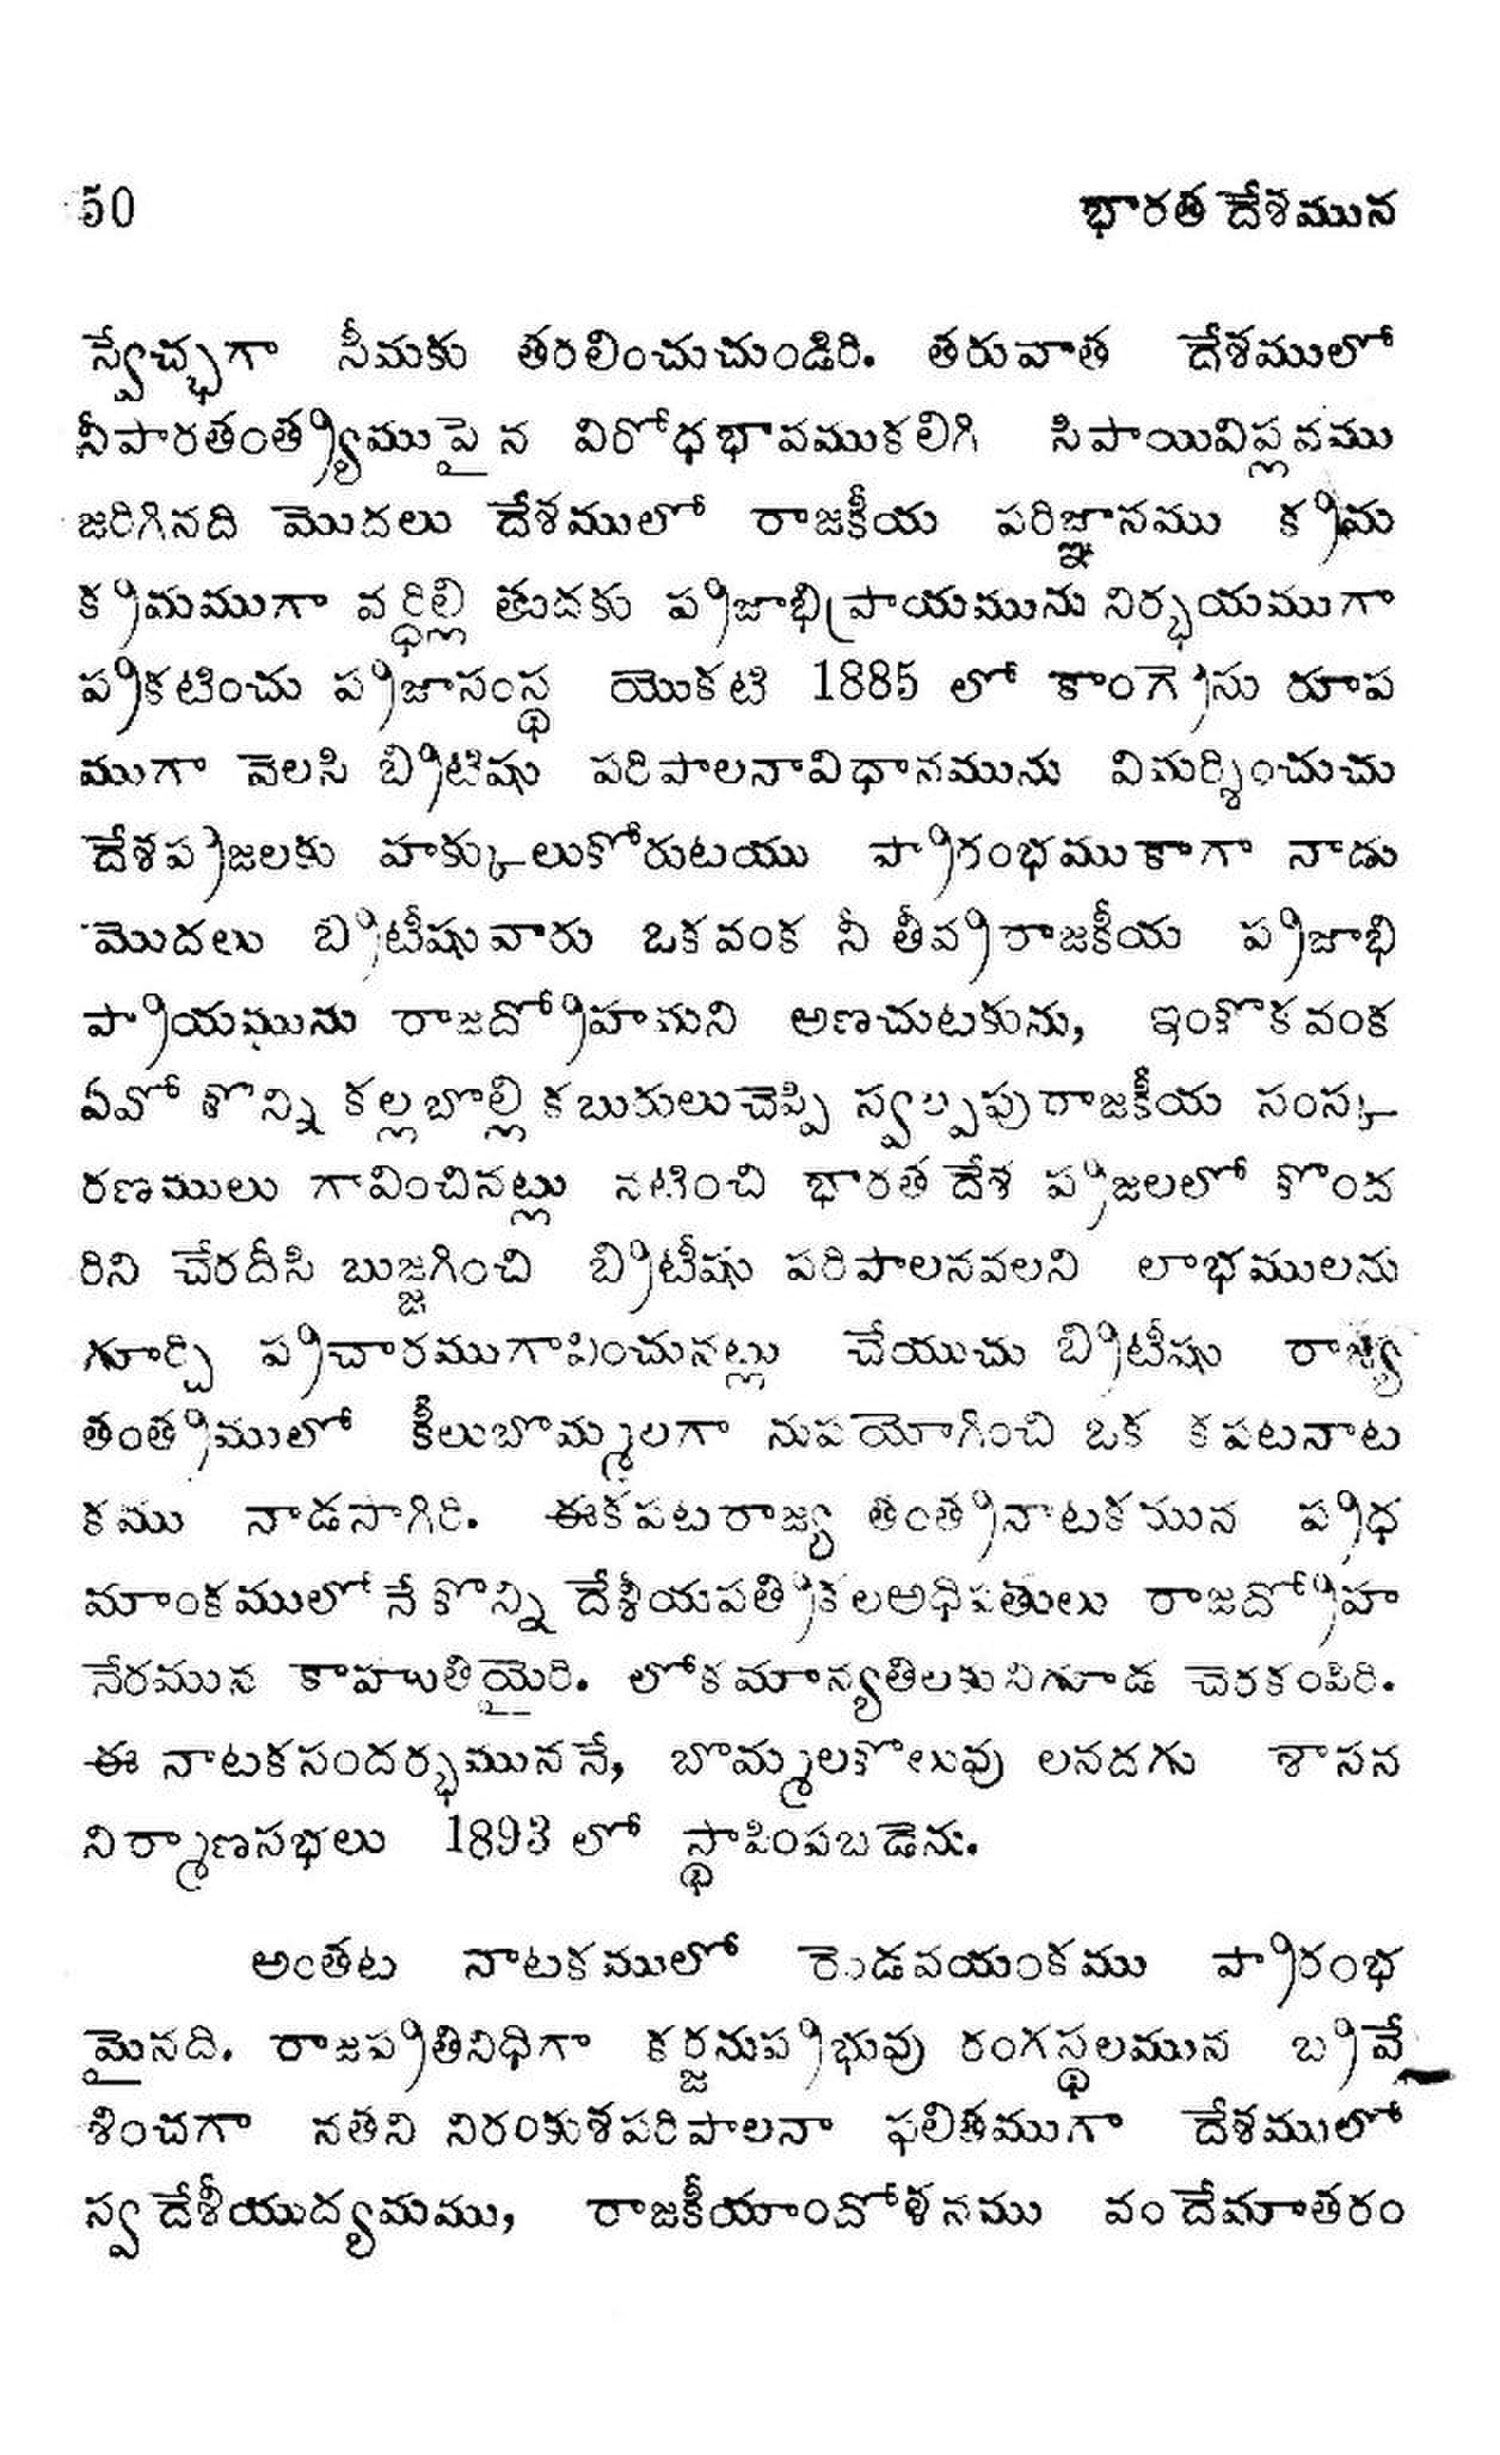స్వేచ్చగా సీమకు తరలించుచుండిరి. తరువాత దేశములో నీపారతంత్ర్యముపైన విరోధభావముకలిగి సిపాయివిప్లవము జరిగినది మొదలు దేశములో రాజకీయ పరిజ్ఞానము క్రమక్రమముగా వర్ధిల్లి తుదకు ప్రజాభిప్రాయమును నిర్భయముగా ప్రకటించు ప్రజాసంస్థ యొకటి 1885 లో కాంగ్రెసు రూపముగా వెలసి బ్రిటిషు పరిపాలనావిధానమును విమర్శించుచు దేశప్రజలకు హక్కులుకోరుటయు ప్రారంభముకాగా నాడుమొదలు బ్రిటీషువారు ఒకవంక నీ తీవ్రరాజకీయ ప్రజాభిప్రాయమును రాజద్రోహమని అణచుటకును, ఇంకొకవంక ఏవో కొన్ని కల్లబొల్లికబురులుచెప్పి స్వల్పపురాజకీయ సంస్కరణములు గావించినట్లు నటించి భారతదేశ ప్రజలలో కొందరిని చేరదీసి బుజ్జగించి బ్రిటీషు పరిపాలనవలని లాభములను గూర్చి ప్రచారముగావించునట్లు చేయుచు బ్రిటీషు రాజ్యతంత్రములో కీలుబొమ్మలగా నుపయోగించి ఒక కపటనాటకము నాడసాగిరి. ఈకపటరాజ్య తంత్రనాటకమున ప్రధమాంకములోనే కొన్ని దేశీయపత్రికలఅధిపతులు రాజద్రోహనేరమున కాహుతియైరి. లోకమాన్యతిలకునిగూడ చెరకంపిరి. ఈ నాటకసందర్భముననే, బొమ్మలకొలువు లనదగు శాసన నిర్మాణసభలు 1893 లో స్థాపింపబడెను.

అంతట నాటకములో రెండవయంకము ప్రారంభమైనది. రాజప్రతినిధిగా కర్జనుప్రభువు రంగస్థలమున బ్రవేశించగా నతని నిరంకుశపరిపాలనా ఫలితముగా దేశములో స్వదేశీయుద్యమము, రాజకీయాందోళనము వందేమాతరం